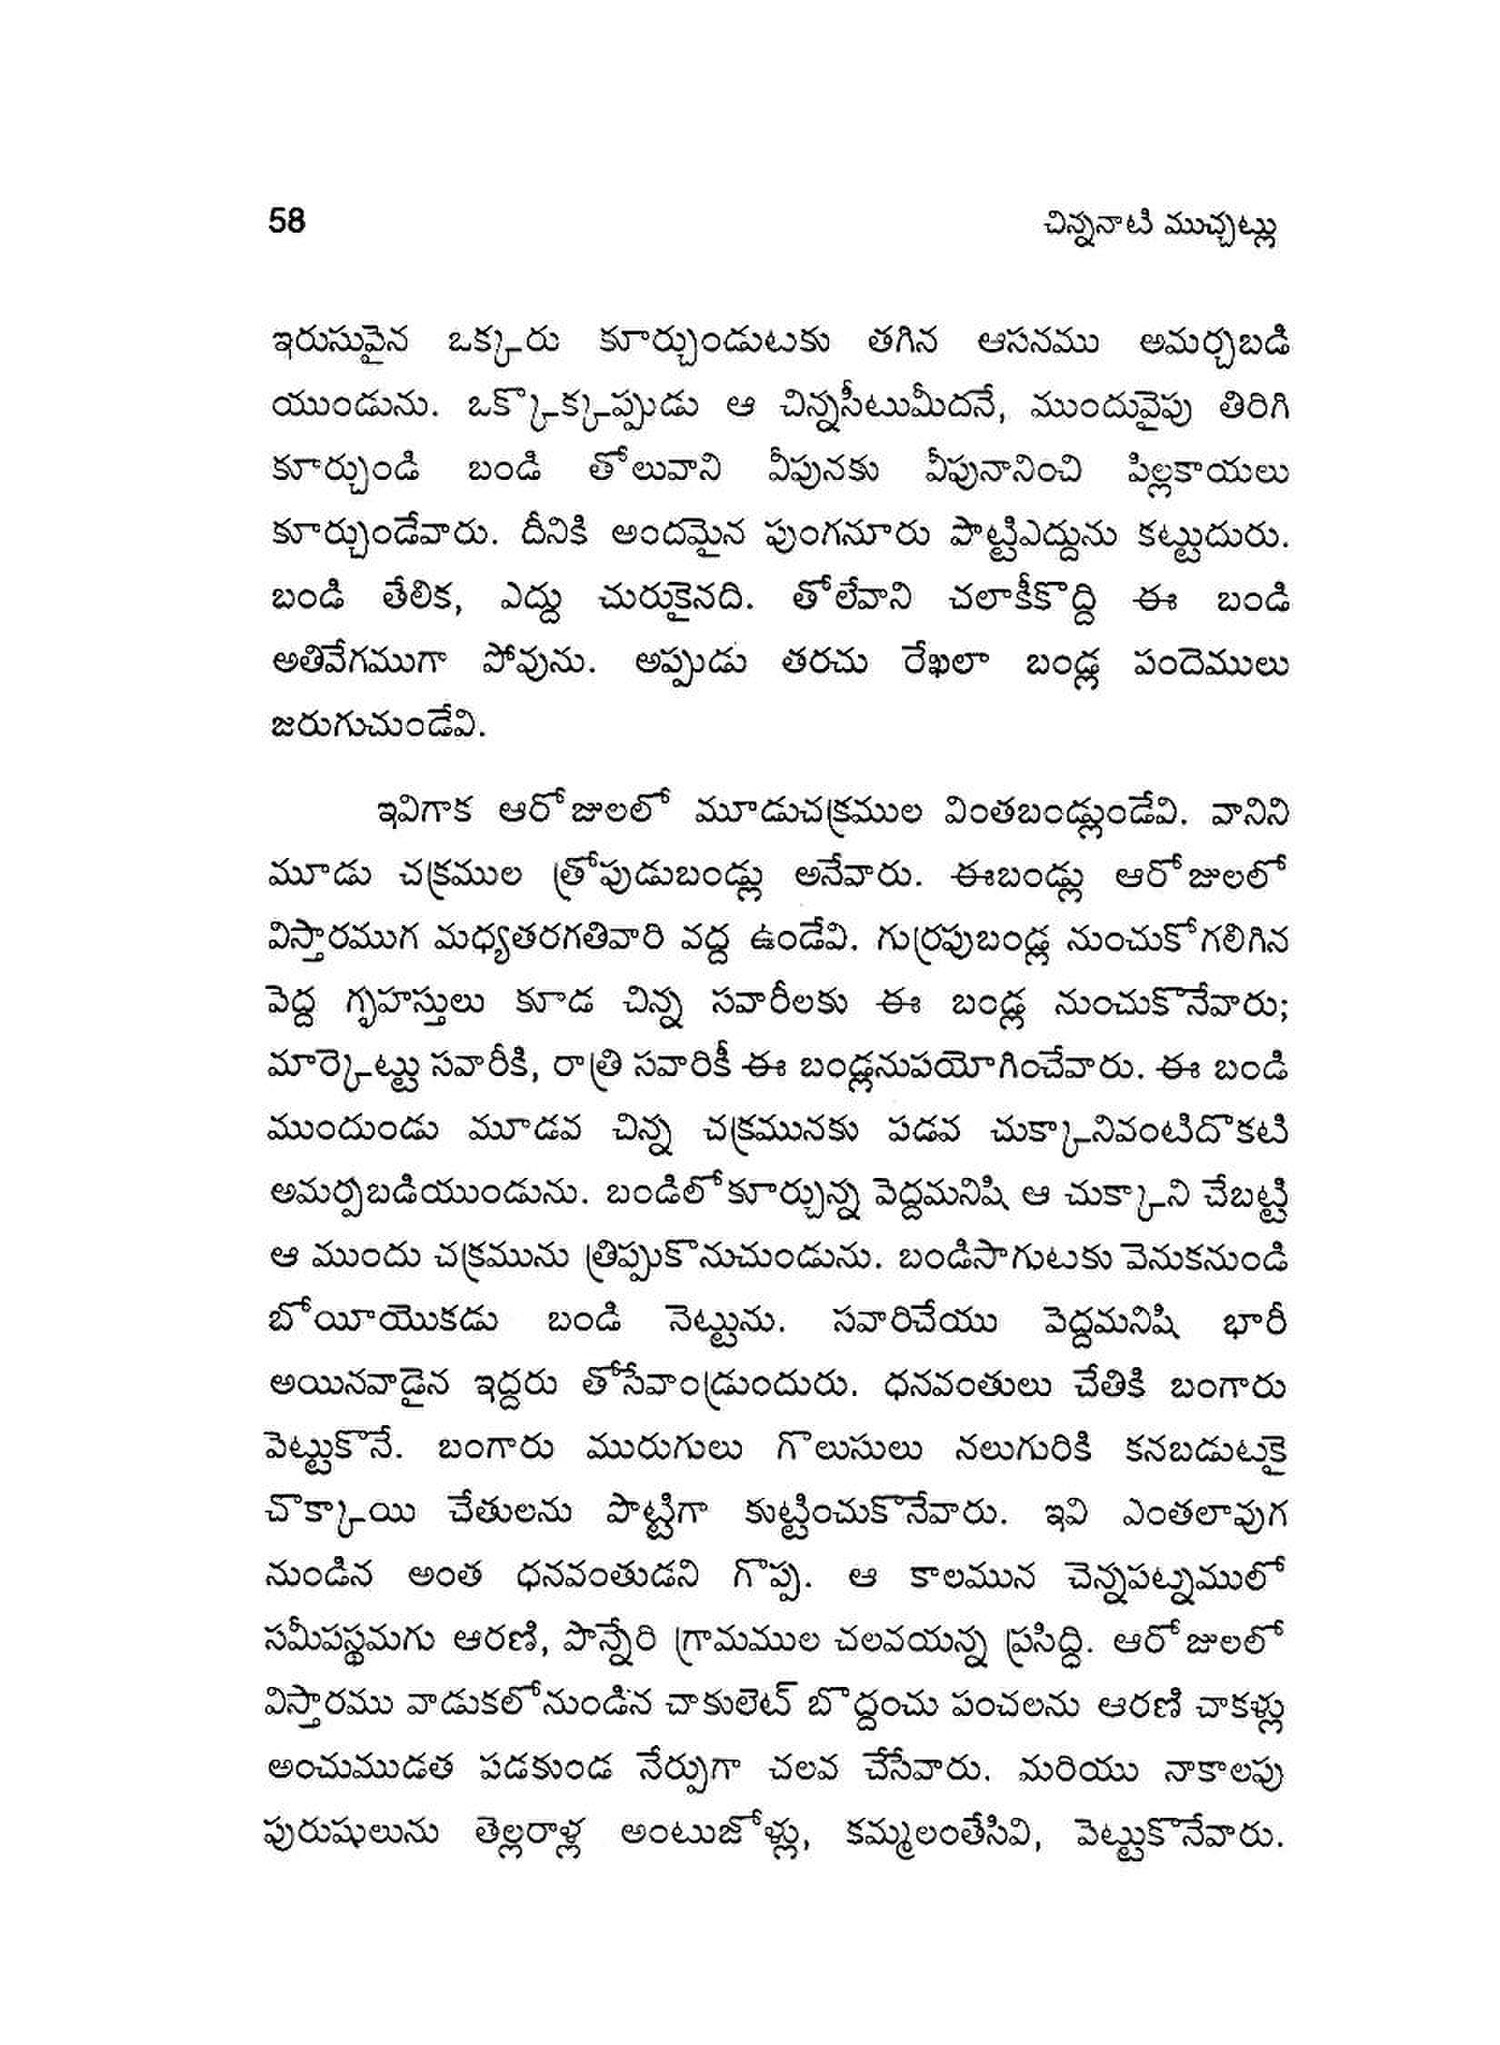ఇరుసుపైన ఒక్కరు కూర్చుండుటకు తగిన ఆసనము అమర్చబడి యుండును. ఒక్కొక్కప్పడు ఆ చిన్నసీటుమీదనే, ముందువైపు తిరిగి కూర్చుండి బండి తోలువాని వీపునకు వీపునానించి పిల్లకాయలు కూర్చుండేవారు. దీనికి అందమైన పుంగనూరు పొట్టిఎద్దును కట్టుదురు. బండి తేలిక, ఎద్దు చురుకైనది. తోలేవాని చలాకీకొద్ది ఈ బండి అతివేగముగా పోవును. అప్పడు తరచు రేఖలా బండ్ల పందెములు జరుగుచుండేవి.

ఇవిగాక ఆరోజులలో మూడుచక్రముల వింతబండ్లుండేవి. వానిని మూడు చక్రముల త్రోపుడుబండ్లు అనేవారు. ఈబండ్లు ఆరోజులలో విస్తారముగ మధ్యతరగతివారి వద్ద ఉండేవి. గుర్రపుబండ్ల నుంచుకోగలిగిన పెద్ద గృహస్తులు కూడ చిన్న సవారీలకు ఈ బండ్ల నుంచుకొనేవారు; మార్కెట్ల సవారీకి, రాత్రి సవారికీ ఈ బండ్లనుపయోగించేవారు. ఈ బండి ముందుండు మూడవ చిన్న చక్రమునకు పడవ చుక్కానివంటిదొకటి అమర్చబడియుండును. బండిలోకూర్చున్న పెద్దమనిషి ఆ చుక్కాని చేబట్టి ఆ ముందు చక్రమును త్రిప్పుకొనుచుండును. బండిసాగుటకు వెనుకనుండి బోయీయొకడు బండి నెట్టును. సవారిచేయు పెద్దమనిషి భారీ అయినవాడైన ఇద్దరు తోసేవాండ్రుందురు. ధనవంతులు చేతికి బంగారు పెట్టుకొనే. బంగారు మురుగులు గొలుసులు నలుగురికి కనబడుటకై చొక్కాయి చేతులను పొట్టిగా కుట్టించుకొనేవారు. ఇవి ఎంతలావుగ నుండిన అంత ధనవంతుడని గొప్ప. ఆ కాలమున చెన్నపట్నములో సమీపస్థమగు ఆరణి, పొన్నేరి గ్రామముల చలవయన్న ప్రసిద్ది. ఆరోజులలో విస్తారము వాడుకలోనుండిన చాకులెట్ బొద్దంచు పంచలను ఆరణి చాకళ్ళు అంచుముడత పడకుండ నేర్పుగా చలవ చేసేవారు. మరియు నాకాలపు పురుషులును తెల్లరాళ్ల అంటుజోళ్లు, కమ్మలంతేసివి, పెట్టుకొనేవారు.